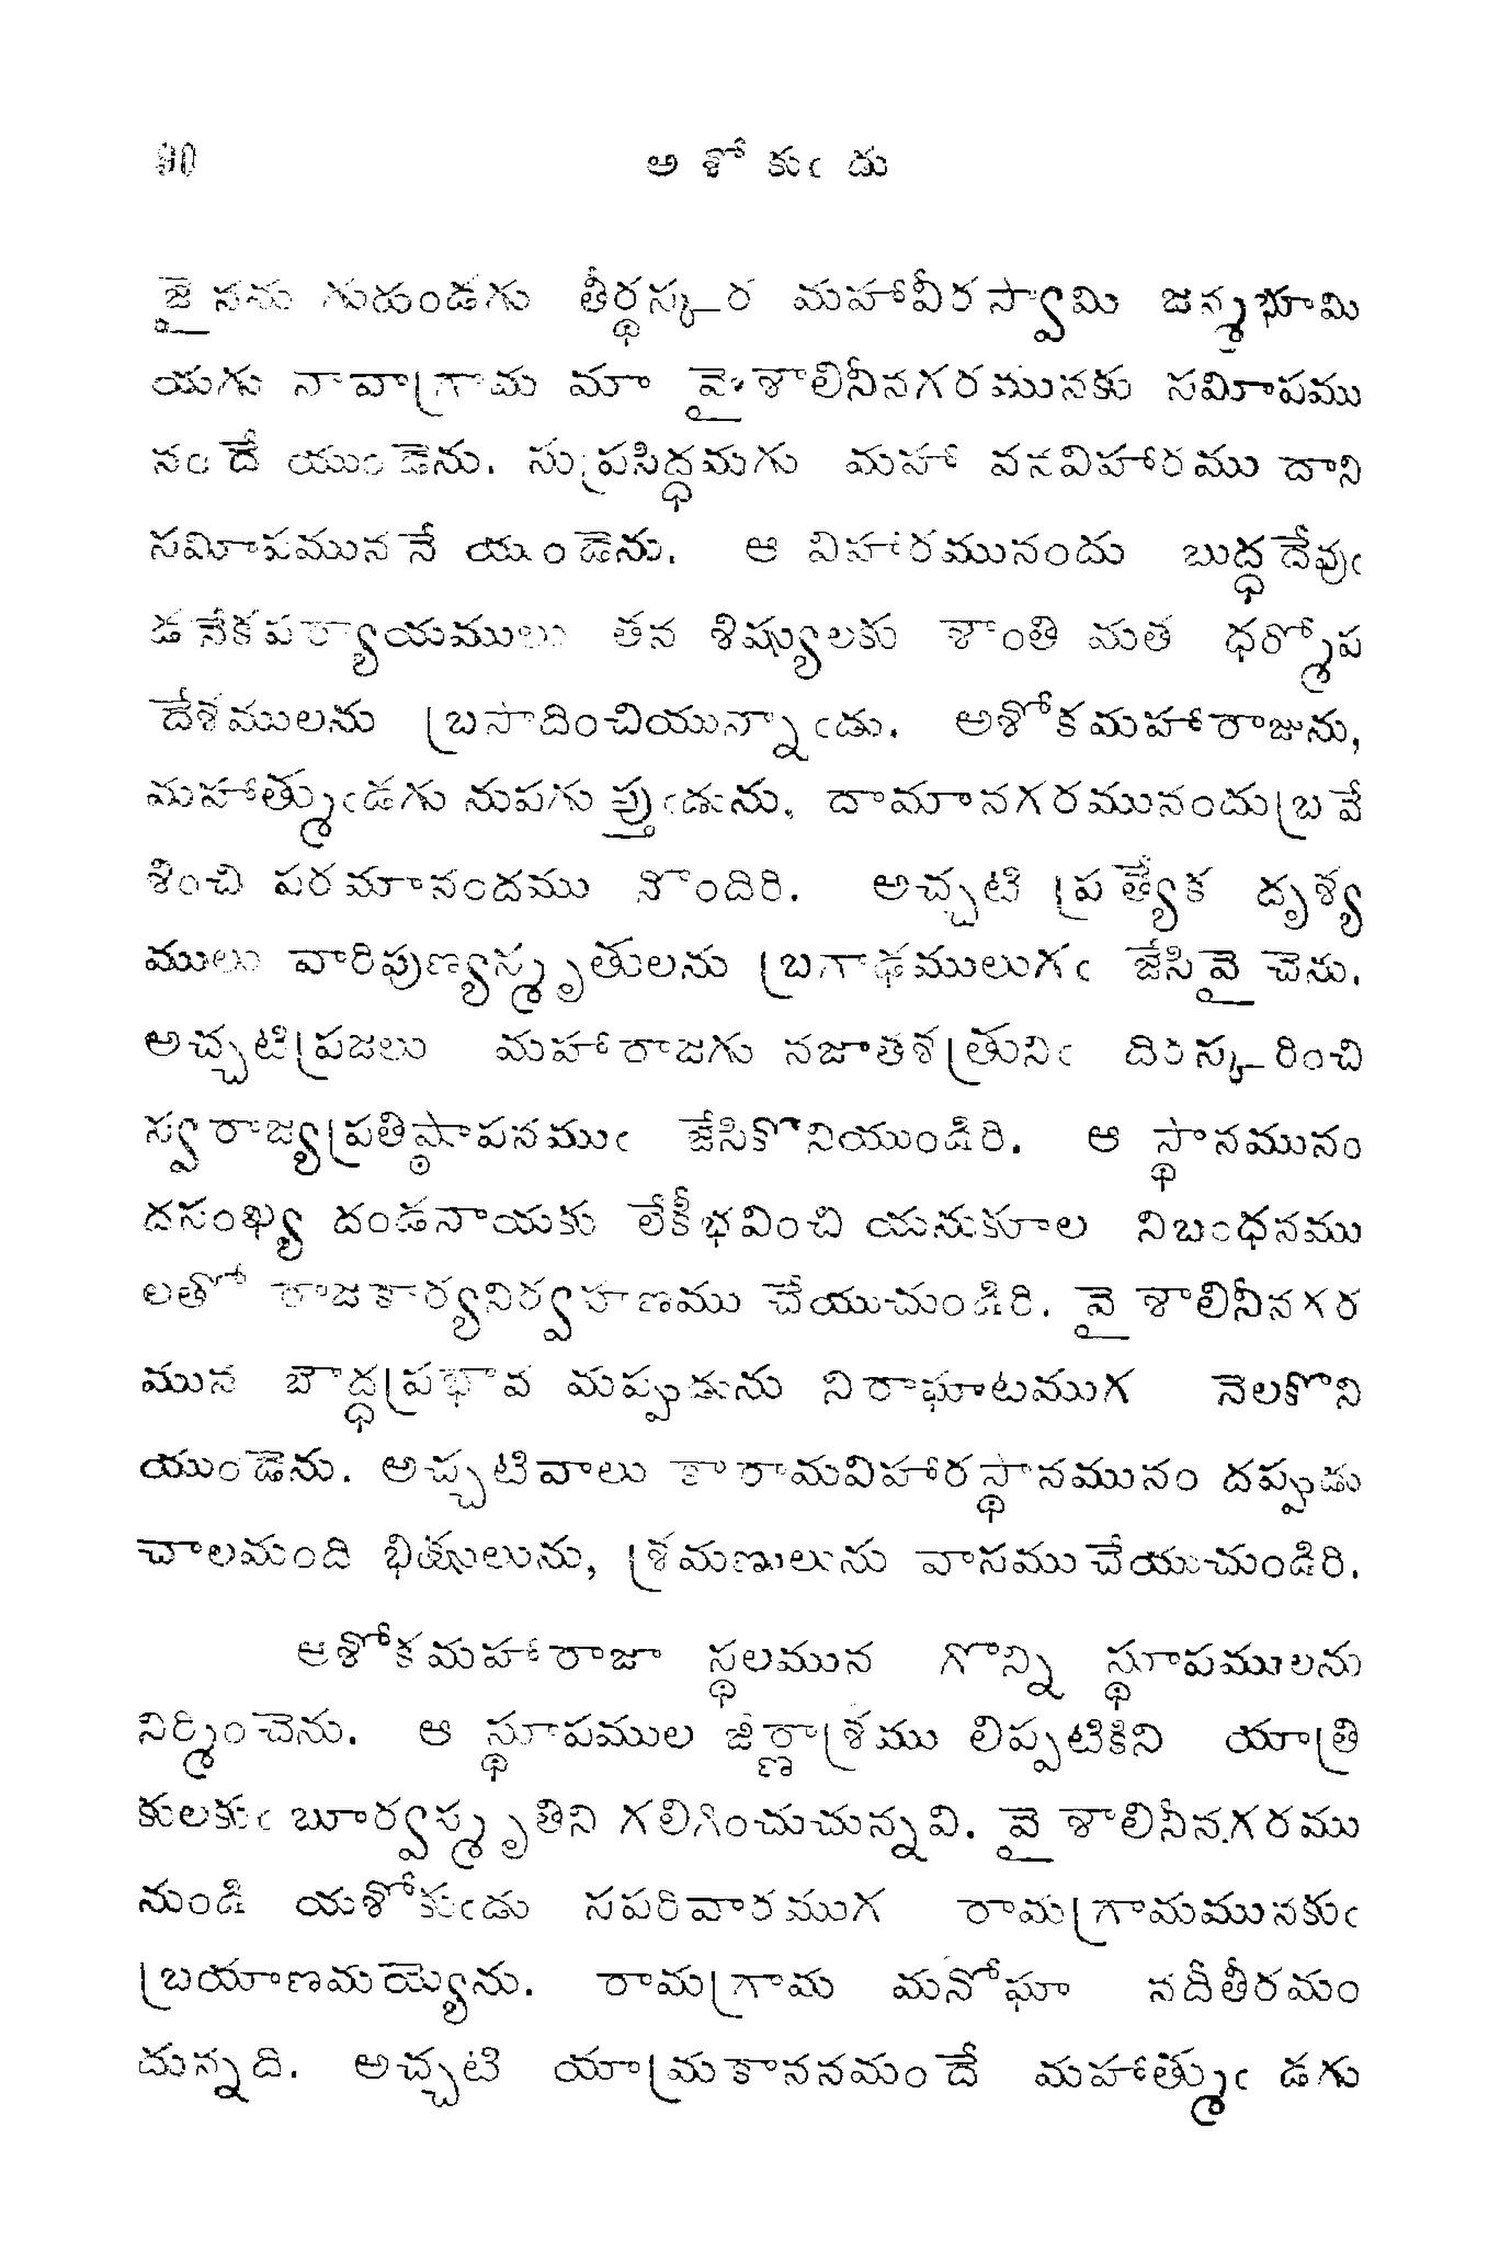జైనను గురుండగు తీర్థస్కర మహావీర స్వామి జన్మభూమి యగు నావాగ్రామ మా వైశాలినీ నగరమునకు సమీపము నందే యుండెను. సుప్రసిద్ధమగు మహా వనవిహారము దాని
సమీపముననే యుండెను. ఆ విహరమునందు బుద్ధ దేవుఁ డనేక పర్యాయములు, తన శిష్యులకు శాంతి మత ధర్మోపదేశములను బ్రసాదించియున్నాఁడు. అశోకమహారాజును,
మహాత్ముఁడగు నుపగు ప్తుఁడును, దామా నగరమునందు బ్రవేశించి పరమానందము నొందిరి. అచ్చటి ప్రత్యేక దృశ్యములు వారిపుణ్యస్మృతులను బ్రగాఢములుగఁ జేసి వై చెను. అచ్చటి ప్రజలు మహా రాజగు నజాతశత్రుని దిరస్కరించి స్వరాజ్య ప్రతి ష్టాపనముఁ జేసికొని యుండిరి. ఆ స్థానమునందసంఖ్య దండనాయకు లేకీ భవించి యనుకూల నిబంధనములతో రాజ కార్యనిర్వహణము చేయుచుండిరి. వైశాలినీనగరమున బౌద్ధ ప్రభావ మప్పుడును నిరాఘాటముగ నెలకొని యుండెను. అచ్చటి వాలు కారామవిహారస్థానమునం దప్పుడు చాలమంది భిక్షులును, శ్రమణులును వాసము చేయుచుండిరి.

ఆశోకమహారాజా స్థలమున గొన్ని స్థూపములను నిర్మించెను. ఆ స్థూపముల జీర్ణాశ్రము లిప్పటికీని యాత్రికులకుఁ బూర్వస్మృతిని గలిగించుచున్నవి. వై శాలినీనగరము నుండి యశోకుఁడు సపరివారముగ రామగ్రామమునకుఁ బ్రయాణమయ్యెను. రామగ్రామ మనోఘా నదీతీరమందున్నది. అచ్చటి యామ్ర కాననమందే మహాత్ముఁ డగు